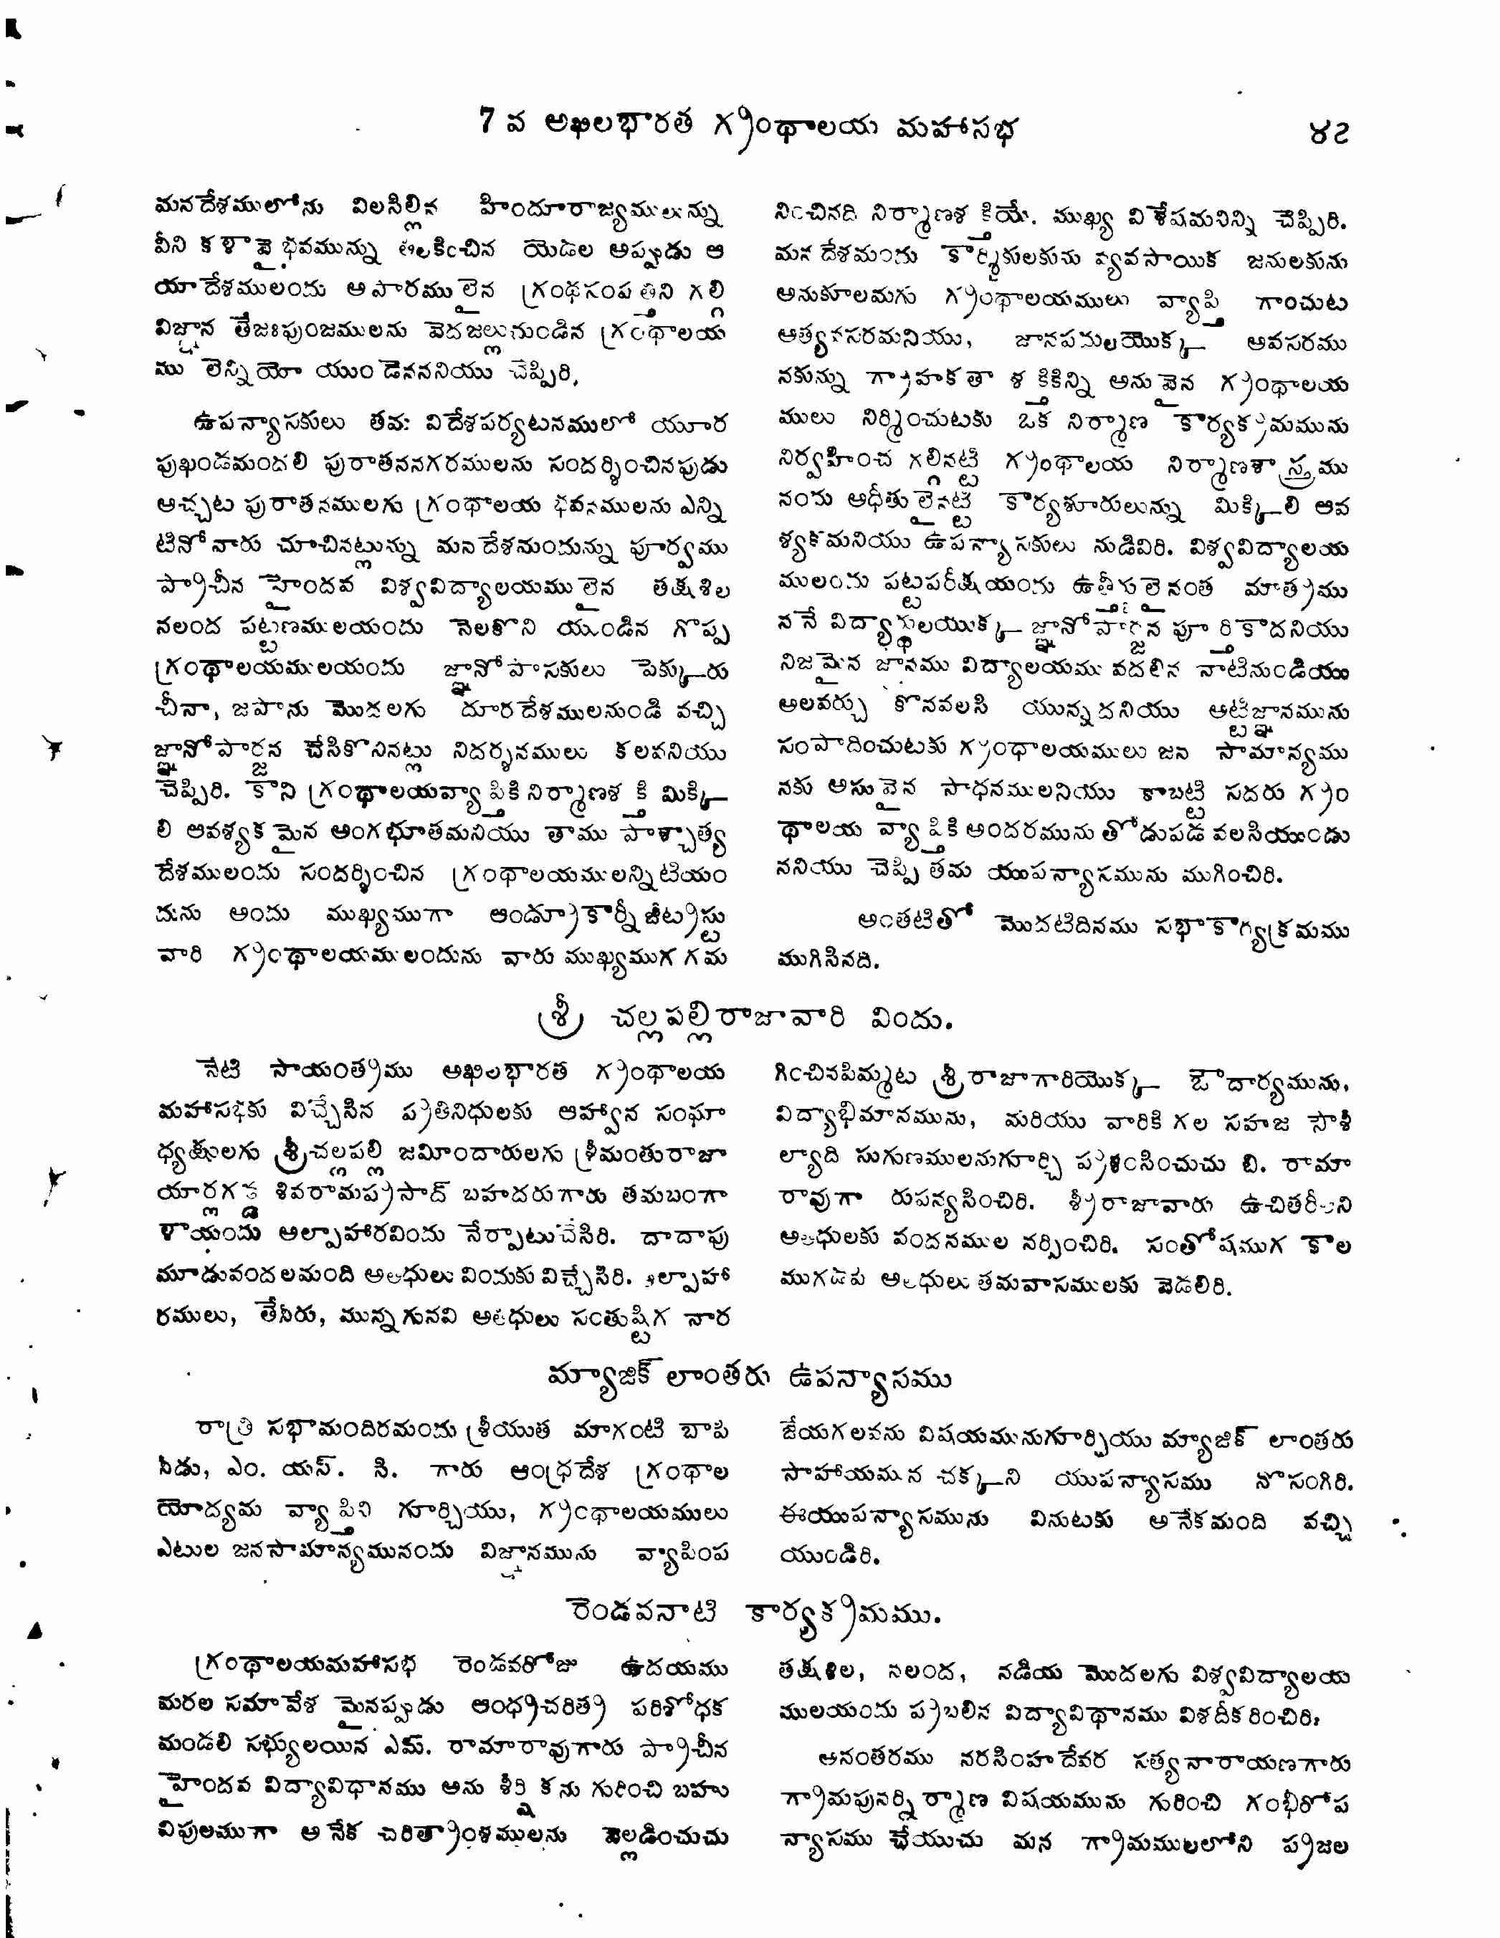赋
7 వ అఖిల భారత గ్రంథాలయ మహాసభ
మన దేశములోను విలసిల్లిన హిందూరాజ్యములున్ను వీని కళా వైభవమున్ను ఆలకించిన యెడల అప్పుడు ఆయా దేశములందు అపారములైన గ్రంథ సంపత్తిని గల్గి విజ్ఞాన తేజఃపుంజములను వెదజల్లుఛుండిన గ్రంథాలయము లెన్నియో యుండెనననియు 
చెప్పిరి.

ఉపన్యాసకులు తమ విదేశపర్యటనములో యూరపుఖండమందలి పురాతన నగరములను సందర్శించినపుడు, అచ్చట పురాతనములగు గ్రంథాలయ భవనములను ఎన్నిటినో వారు చూచినట్లున్ను మన దేశనుండున్ను పూర్వము ప్రాచీన హైందవ విశ్వవిద్యాలయములైన తక్షశిల, నలంద పట్టణములయందు నెలకొని యుండిన గొప్ప గ్రంథాలయములయందు జ్ఞానో పాసకులు పెక్కురు చీనా, జపాను మొదలగు దూరదేశముల నుండి వచ్చి జ్ఞానోపార్జన చేసికొనినట్లు నిదర్శనములు కలవనియు చెప్పిరి. కాని గ్రంథాలయవ్యాప్తికి 
నిర్మాణశక్తికి మిక్కిలి అవశ్యకమైన అంగభూతమనియు తాము పాశ్చాత్య దేశములందు సందర్శించిన గ్రంథాలయము లన్నిటియందు 
అందు ముఖ్యముగా అండ్యూ కార్నీ జీట్రస్టు వారి గ్రంథాలయములందును వారు ముఖ్యముగ గమనించినది నిర్మాణశక్తియే, ముఖ్య విశేషమనిన్ని చెప్పిరి. మన దేశమందు కార్మికులకును వ్యవసాయిక జనులకును అనుకూలమగు గ్రంథాలయములు వ్యాప్తి గాంచుట
అత్యవసరమనియు, జానపదుల యొక్క అవసరమునకున్ను గ్రాహకతా శక్తికిన్ని అనువైన గ్రంథాలయములు నిర్మించుటకు ఒక నిర్మాణ కార్యక్రమమును నిర్వహించ గల్గినట్టి గ్రంథాలయ నిర్మాణశాస్త్రము నందు అధీతులైనట్టి కార్యశూరులున్ను మిక్కిలి ఆవశ్యకమనియు ఉపన్యాసకులు నుడివిరి. విశ్వవిద్యాలయములందు పట్టపరీక్షయందు ఉత్తీర్ణులైనంత మాత్రముననే విద్యార్థులయొక్క జ్ఞానోపార్జన 
సాగిన పూర్తి కాదనియు నిజమైన జ్ఞానము విద్యాలయము వదలిన నాటినుండియు అలవర్చు కొనవలసి యున్నదనియు ఆటిజ్ఞానమును
సంపాదించుటకు గ్రంధాలయములు జన సామాన్యముకు అనువైన సాధనములనియు కాబట్టి సదరు గ్రంథాలయ వ్యాప్తికి అందరమును తోడుపడ వలసియుండుననియు చెప్పి తమ యుపన్యాసమును ముగించిరి.

అంతటితో మొదటిదినము సభాకార్యక్రమము ముగిసినది.

నేటి సాయంత్రము అఖిలభారత గ్రంథాలయ మహాసభకు విచ్చేసిన ప్రతినిధులకు ఆహ్వాన సంఘాధ్యక్షులగు శ్రీ చలపల్లి 
జమీందారులగు శ్రీమంతు రాజా యార్లగడ్డ శివరామప్రసాద్ బహదూర్ గారు తమ బంగాశాయందు అల్పాహారవిందు నేర్పాటు చేసిరి. దాదాపు మూడువందలమంది అలధులు విందుకు విచ్చేసిరి. అల్పాహారములు, తేనీరు, మున్నగునవి అంధులు సంతుష్టిగ 
నారగించుట పిమ్మట పిమ్మట శ్రీ రాజాగారియొక్క ఔదార్యమును, విద్యాభిమానమును, మరియు వారికి గల సహజ సౌశీల్యాది సుగుణములను గూర్చి ప్రశంసించుచు బి. రామారావుగా రుపన్యసించిరి. శ్రీరాజావారు ఉచితరీతిని అంధులకు వందనముల 
నర్సించిరి. సంతోషముగ కాలముగడప అంధులు తమవాసములకు వెడలిరి.

రాత్రి సభామందిరమందు శ్రీయుత మాగంటి బాపనీడు, ఎం. యస్. సి. గారు ఆంధ్రదేశ గ్రంథాలయోద్యమ వ్యాప్తిని గూర్చియు, గ్రంథాలయములు ఎటుల జనసామాన్యమునందు విజ్ఞానమును వ్యాపింప జేయగలవను విషయమును గూర్చియు మ్యాజిక్ లాంతరు
సాహాయమన చక్కని యుపన్యాసము నొసంగిరి. ఈ యుపన్యాసమును వినుటకు అనేకమంది వచ్చి యుండిరి.
గించిన 
ఉపన్యాసము

గ్రంథాలయమహాసభ రెండవరోజు ఉదయము మరల సమావేశమైనప్పుడు ఆంధ్రచరిత్ర పరిశోధక మండలి సభ్యులయిన ఎమ్. 
రామారావు గారు ప్రాచీన హైందవ విద్యావిధానము అను శీర్తికను గురించి బహువిపులముగా అనేక చరిత్రాంశములను వెల్లడించుచు
తక్షశిల, నలంద, నడియ మొదలగు విశ్వవిద్యాలయములయందు ప్రబలిన విద్యావిధానము విశదీకరించిరి. అనంతరము నరసింహ దేవర సత్యనారాయణగారు గ్రామపునర్నిర్మాణ విషయమును గురించి గంభీరోపన్యాసము చేయుచు మన గ్రామములలోని ప్రజల